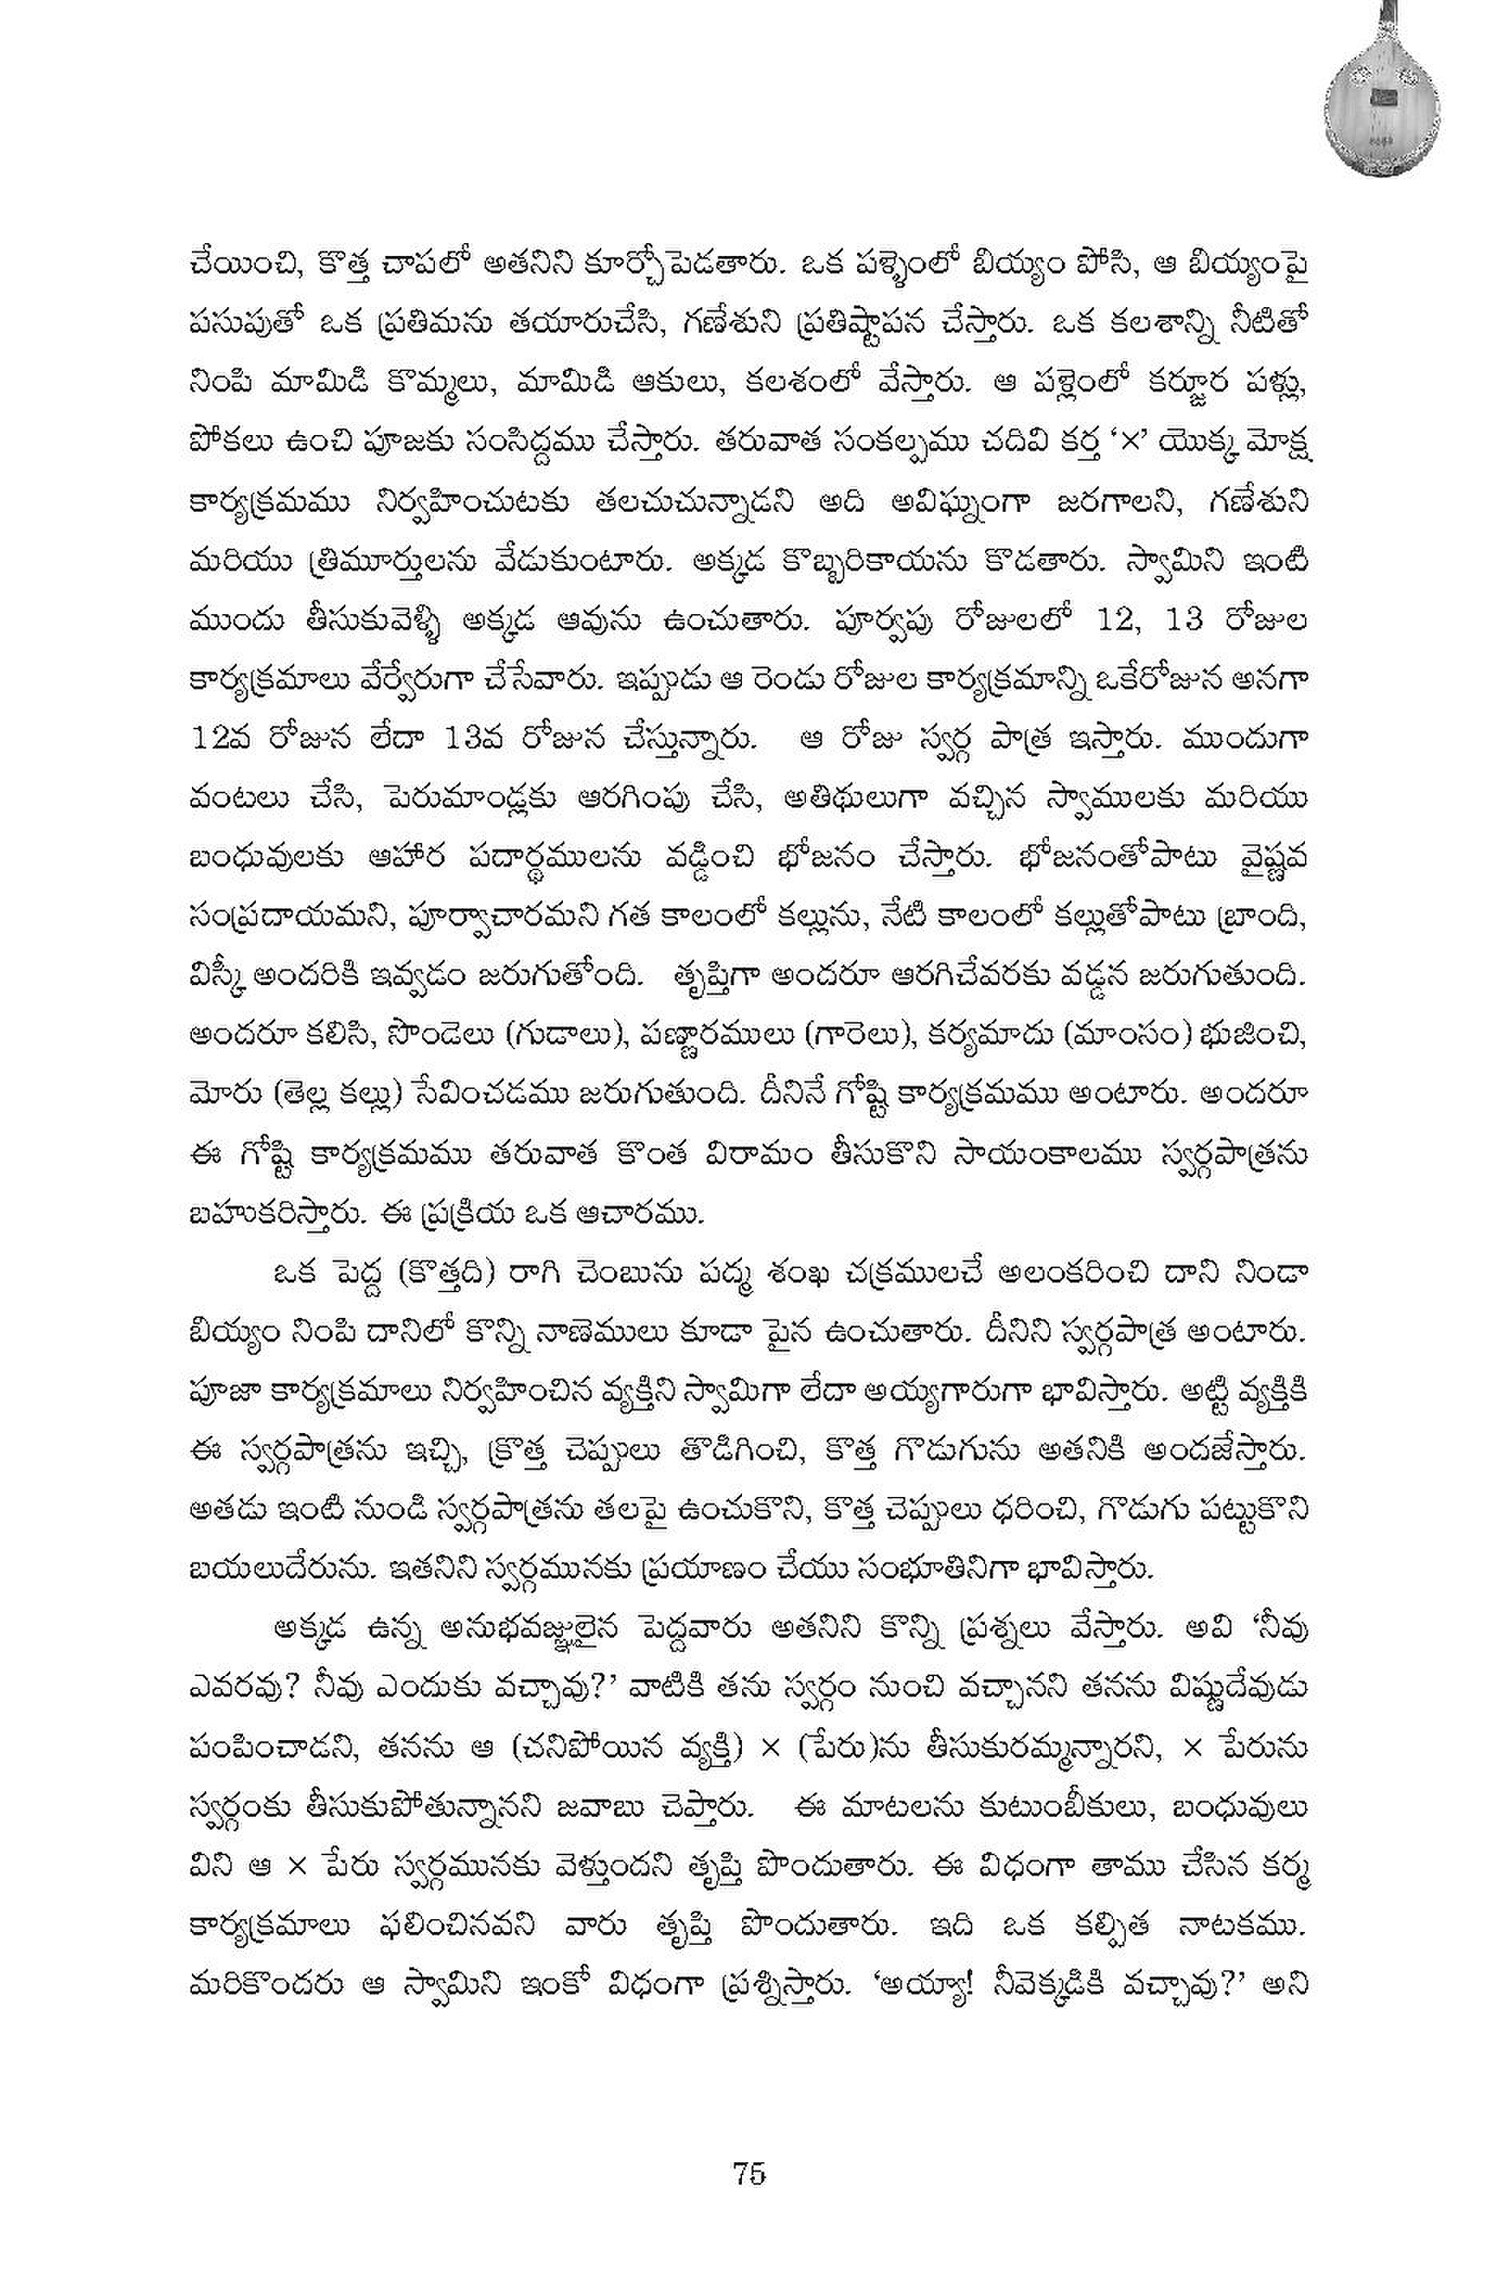చేయించి, కొత్త చాపలో అతనిని కూర్చో పెడతారు. ఒక పళ్ళెంలో బియ్యం పోసి, ఆ బియ్యం పై పసుపుతో ఒక ప్రతిమను తయారుచేసి, గణేశుని ప్రతిష్టాపన చేస్తారు. ఒక కలశాన్ని నీటితో నింపి మామిడి కొమ్మలు, మామిడి ఆకులు, కలశంలో వేస్తారు. ఆ పళ్లెంలో కర్జూర పళ్లు, పోకలు ఉంచి పూజకు సంసిద్దము చేస్తారు. తరువాత సంకల్పము చదివి కర్త 'X' యొక్క మోక్ష కార్యక్రమము నిర్వహించుటకు తలచుచున్నాడని అది అవిఘ్నంగా జరగాలని, గణేశుని మరియు త్రిమూర్తు లను వేడుకుంటారు. అక్కడ కొబ్బరికాయను కొడతారు. స్వామిని ఇంటి ముందు తీసుకువెళ్ళి అక్కడ ఆవును ఉంచుతారు. పూర్వపు రోజులలో 12, 13 రోజుల కార్యక్రమాలు వేర్వేరుగా చేసేవారు. ఇప్పుడు ఆ రెండు రోజుల కార్యక్రమాన్ని ఒకేరోజున అనగా 12వ రోజున లేదా 13వ రోజున చేస్తున్నారు. ఆ రోజు స్వర్గ పాత్ర ఇస్తారు. ముందుగా వంటలు చేసి, పెరుమాండ్లకు ఆరగింపు చేసి, అతిథులుగా వచ్చిన స్వాములకు మరియు బంధువులకు ఆహార పదార్థములను వడ్డించి భోజనం చేస్తారు. భోజనంతోపాటు వైష్ణవ సంప్రదాయమని, పూర్వాచారమని గత కాలంలో కల్లును, నేటి కాలంలో కల్లుతోపాటు బ్రాంది, విస్కీ అందరికి ఇవ్వడం జరుగుతోంది. తృప్తిగా అందరూ ఆరిగిచేవరకు వడ్డన జరుగుతుంది. అందరూ కలిసి, సొండెలు (గుడాలు), పణ్ణారములు (గారెలు), కర్యమాదు (మాంసం) భుజించి, మోరు (తెల్ల కల్లు) సేవించడము జరుగుతుంది. దీనినే గోష్టి కార్యక్రమము అంటారు. అందరూ ఈ గోష్టి కార్యక్రమము తరువాత కొంత విరామం తీసుకొని సాయంకాలము స్వర్గపాత్రను బహుకరిస్తారు. ఈ ప్రక్రియ ఒక ఆచారము.

ఒక పెద్ద (కొత్తది) రాగి చెంబును పద్మ శంఖ చక్రములచే అలంకరించి దాని నిండా బియ్యం నింపి దానిలో కొన్ని నాణెములు కూడా పైన ఉంచుతారు. దీనిని స్వర్గపాత్ర అంటారు. పూజా కార్యక్రమాలు నిర్వహించిన వ్యక్తిని స్వామిగా లేదా అయ్యగారుగా భావిస్తారు. అట్టి వ్యక్తికి ఈ స్వర్గపాత్రను ఇచ్చి, క్రొత్త చెప్పులు తొడిగించి, కొత్త గొడుగును అతనికి అందజేస్తారు. అతడు ఇంటి నుండి స్వర్గపాత్రను తలపై ఉంచుకొని, కొత్త చెప్పులు ధరించి, గొడుగు పట్టుకొని బయలు దేరును. ఇతనిని స్వర్గమునకు ప్రయాణం చేయు సంభూతినిగా భావిస్తారు.

అక్కడ ఉన్న అనుభవజ్ఞులైన పెద్దవారు అతనిని కొన్ని ప్రశ్నలు వేస్తారు. అవి 'నీవు ఎవరవు? నీవు ఎందుకు వచ్చావు?' వాటికి తను స్వర్గం నుంచి వచ్చానని తనను విష్ణుదేవుడు పంపించాడని, తనను ఆ (చనిపోయిన వ్యక్తి) × (పేరు)ను తీసుకురమ్మన్నారని, × పేరును స్వర్గంకు తీసుకుపోతున్నానని జవాబు చెప్తారు. ఈ మాటలను కుటుంబీకులు, బంధువులు విని ఆ × పేరు స్వర్గమునకు వెళ్తుందని తృప్తి పొందుతారు. ఈ విధంగా తాము చేసిన కర్మ కార్యక్రమాలు ఫలించినవని వారు తృప్తి పొందుతారు. ఇది ఒక కల్పిత నాటకము. మరికొందరు ఆ స్వామిని ఇంకో విధంగా ప్రశ్నిస్తారు. 'అయ్యా! నీవెక్కడికి వచ్చావు?' అని